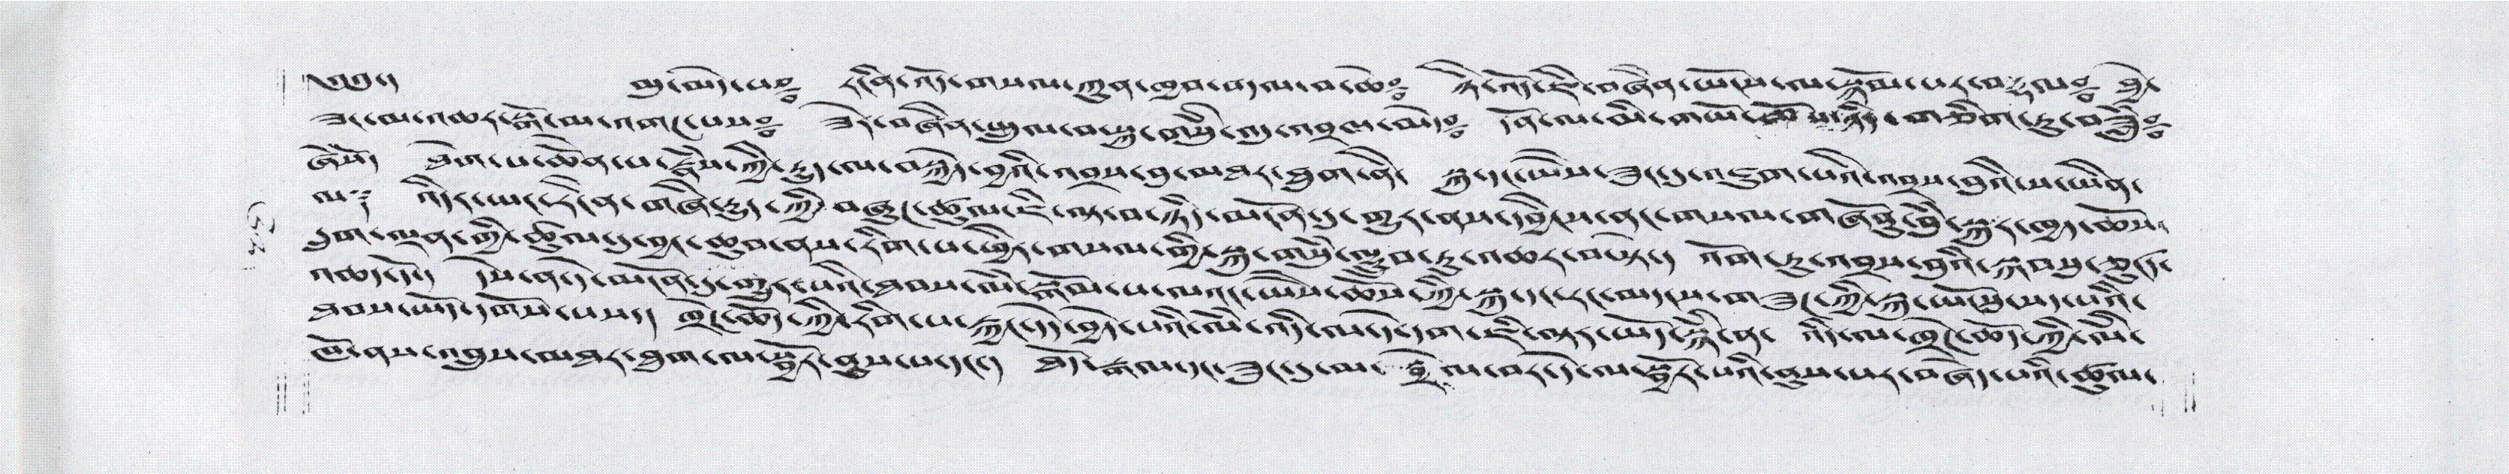མུ་མེད་པ། རང་བཞིན་འོད་གསལ་ཀུན་ཁྱབ་བདལ་པ་ཆེཿ ཉི་འོད་ཇི་བཞིན་ཡོངས་ལ་སྙོམས་པར་བརྡལཿ ཐུགས་རྗེ་
ཟང་མ་འཆར་སྒོ་མ་འགག་པསཿ ཟེར་བཞིན་སྤྲུལ་པ་སྐུ་གསུམ་འདུ་འབྲལ་མེདཿ དོན་ལ་མི་གཡོ་ཆོས་ཉིད་གཅིག་ཏུ་བཟླུམསཿ 
ཞེས་སོ། ཐེག་པ་ཆེན་པོ་བ་རྣམས་ཀྱི་རྒྱུད་ལ་བསྐྱེད་བྱའི་འབྲས་བུ་མཐར་ཐུག་ནི། སྐུ་དང་ཡེ་ཤེས་ཟུང་དུ་འཇུག་པའི་འབྲས་བུའི་ས་ཡིན་
ལ། འདིར་ཡང་རང་བཞིན་གཞི་རྒྱུད་ཀྱི་བཞུགས་ཚུལ་ཇི་ལྟ་བ་ཉིད་མངོན་དུ་གྱུར་ནས་དབྱིངས་ནང་གསལ་གཞོན་ནུ་བུམ་སྐུར་ཁྱད་ཆོས་
དྲུག་ལྡན་གྱི་ཚུལ་དུ་བྱང་ཆུབ་ནས་རིག་པ་ཕྱིར་གསལ་གྱི་སྐུ་གསུམ་ལྷུན་གྲུབ་ཏུ་འཆར་བ་སྟེ། འོག་ཏུ་འབྲས་བུའི་སྐབས་སུ་ཅུང་ཟད་
འཆད་དོ། དེས་ན་དེ་མངོན་དུ་གྱུར་པའི་ཐབས་ལམ་བསྒོམ་པ་ལའང་ཡེ་ཤེས་ཆོས་ཀྱི་སྐུ་དང་རང་མདངས་གཟུགས་ཀྱི་སྐུ་ཡོངས་སུ་སད་པའི་
ཐབས་ཡོད་དགོས་པས་ཁྲེག་ཆོད་ཀྱི་རིག་པ་རྐྱང་དེད་བྱེད་པའི་ལམ་འདི་ལ་དེ་དག་ཇི་ལྟར་ཡོད་སྙམ་ན་འདི་ལ་ཁྲེག་ཆོད་ཀྱི་ལམ་
ཁོ་ནས་འབྲས་བུ་མཐར་ཐུག་ལ་སྦྱོར་ནུས་པ་དང་། ཐོད་རྒལ་དང་ཟུང་དུ་མ་འབྲེལ་བར་དེ་ལ་སྦྱོར་མི་ནུས་པར་བཞེད་པའི་ཚུལ་